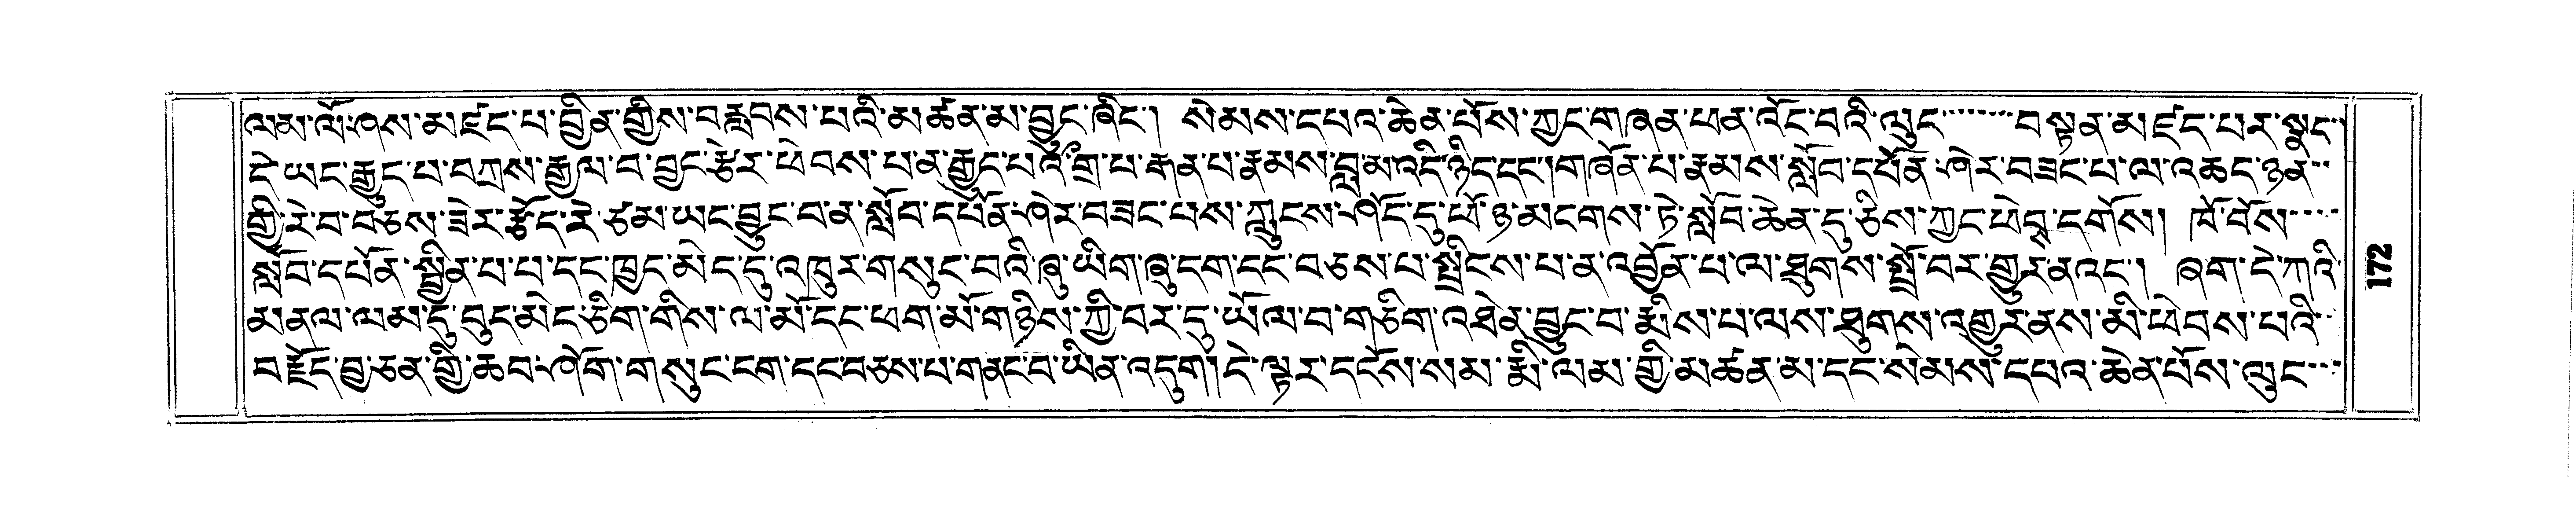ལམ་ལོ་ཤས་མཛད་པ་བྱིན་གྱིས་བརླབས་པའི་མཚན་མ་བྱུང་ཞིང་། སེམས་དཔའ་ཆེན་པོས་ཀྱང་གཞན་ཕན་འོང་བའི་ལུང་བསྟན་མཛད་པར་སྣང་
དེ་ཡང་རྒྱུད་པ་བཀྲས་རྒྱལ་བ་བྱང་རྩེར་ཕེབས་པ་ན་རྒྱུད་པའི་གྲྀ་པ་རྒན་པ་རྣམས་བླ་མ་འདི་ཉིད་དང་།གཞོན་པ་རྣམས་སློབ་དཔོན་ཤེར་བཟང་པ་ལ་འཆད་ཉན་
གྱི་རེ་བ་བཅས་ཟེར་རྩོད་རེ་ཙམ་ཡང་བྱུང་བ་ན་སློབ་དཔོན་ཤེར་བཟང་པས་ཀླུངས་ཤོད་དུ་ཕོ་ཉ་མངགས་ཏེ་སློབ་ཆེན་དུ་ཅིས་ཀྱང་ཕེབས་དགོས། ཁོ་བོས་
སློབ་དཔོན་སྦྱིན་པ་པ་དང་ཁྱད་མེད་དུ་འཁུར་གསུང་བའི་ཞུ་ཡིག་ཞུ་དག་དང་བཅས་པ་སྤྲིངས་པ་ན་འབྱོན་པ་ལ་ཐུགས་སྤྲོ་བར་གྱུར་ནའང་། ཞག་དེ་ཀའི་
མནལ་ལམ་དུ་བུད་མེད་ཅིག་གིས་ལ་མོ་དང་ཕག་མོ་གཉིས་ཀྱི་བར་དུ་ཡོལ་བ་གཅིག་འཐེན་བྱུང་བ་རྨིས་པ་ལས་ཐུགས་འགྱུར་ནས་མི་ཕེབས་པའི་
བརྗོད་བྱ་ཅན་གྱི་ཆབ་ཤོག་གསུངས་ངག་དང་བཅས་པ་གནང་བ་ཡིན་འདུག། དེ་ལྟར་དངོས་སམ་རྨི་ལམ་གྱི་མཚན་མ་དང་སེམས་དཔའ་ཆེན་ཆེན་པོས་ལུང་